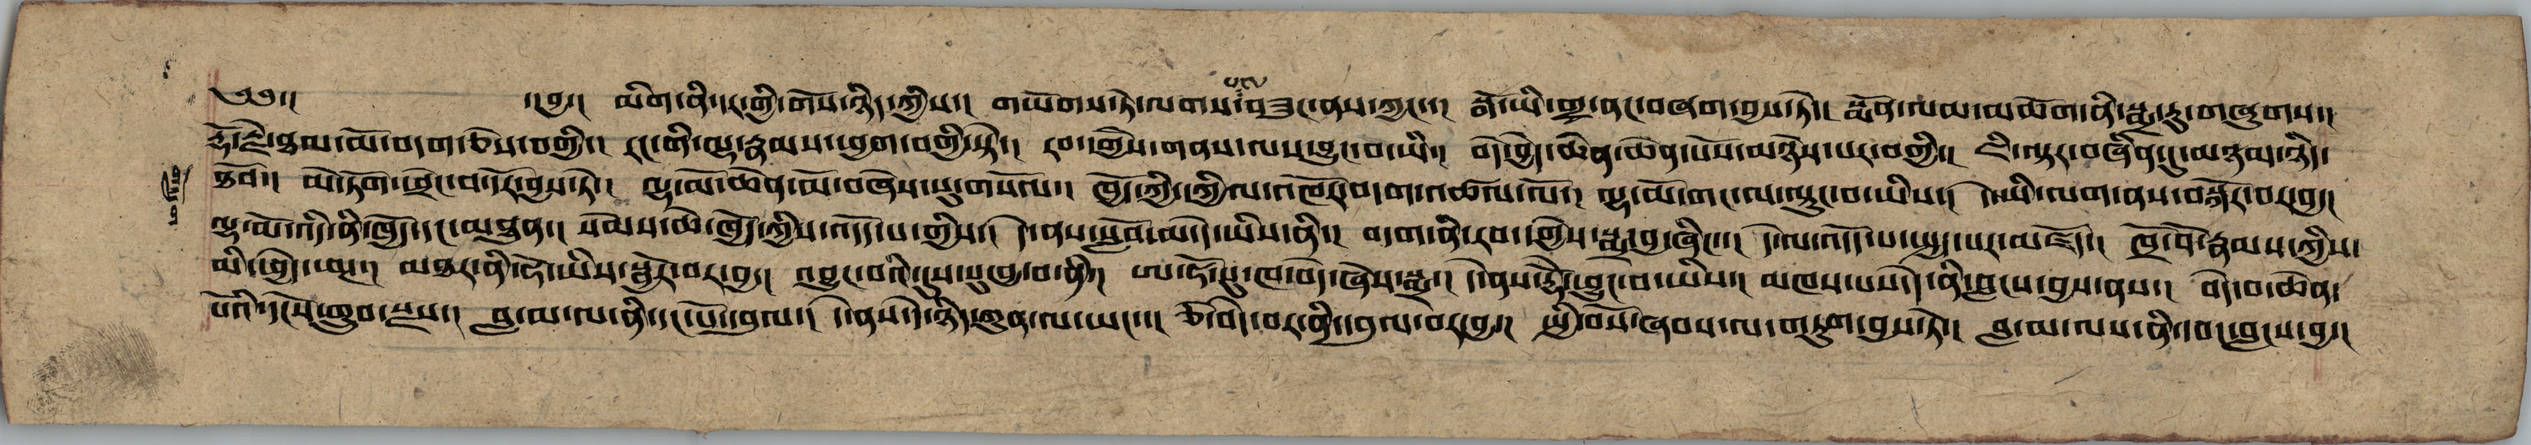༄༅་། ་།བྱ་། མིག་ནི་དར་གྱི་གོས་ཉིད་ཀྱིས་། གཡོགས་ཏེ་ལགས་བཟུང་ནས་ཀྱང་་། སྒོ་ཡི་གྲྭ་ནང་བཞག་བྱས་ཏེ་། སྨོན་ལམ་མཆོག་ནི་སྨྲ་རུ་གཞུགས་།
རྡོ་རྗེ་ཐལ་མོ་བདག་ཅེས་བགྱི་། རང་གི་ལྷ་རྣམས་ཕྱག་བགྱི་སྟེ་། རབ་དགྱེས་གནས་ལས་བྱུང་བ་ཡི་། བདེ་བྱེད་ཆེན་ཆེན་པོས་མཉེས་པར་བགྱི་། ཇི་ལྟར་བཞིན་དུ་མཉམ་ཉིད་
ཐོབ་། མེ་ཏོག་ཕྲེང་བ་དོར་བྱས་ཏེ་། ལྷ་མོ་ཆེན་མོ་བཞེས་སུ་གསོལ་། ཁྱོད་ཀྱི་དཀྱིལ་འཁོར་བདག་འཚལ་ལོ་། ལྷ་མོ་གང་ལ་ལྟུང་བ་ཡིས་། དེ་ཡི་ལག་ནས་བསྐོར་བར་བྱ་།
ལྷ་མོ་འདི་ནི་ཁྱོད་དང་མཐུན་། སེམས་ཆེ་ཁྱོད་ཀྱིས་འདོད་པ་གྱིས་། དེ་ནས་སློབ་མ་དེ་ཡིས་ནི་། བདག་ནི་རབ་དགྱེས་སྨྲ་བྱ་ཞིང་་། དེ་ལ་འདོད་པ་སྤྱད་པར་མཛོད་། ཁྲོ་བོ་རྣམས་ཀྱིས་
མི་ཕྱེད་ཕཊ་། མཐར་ནི་ཧོ་ཡིས་སྦྱོར་བར་བྱ་། འབྱུང་བའི་དུས་སུ་བྱ་བ་ནི་། ཨ་ཧོ་སུ་ཁ་བདེ་ཞེས་སྨྲ་། དེ་ནས་རྡོེ་བྱུང་བ་ཡིས་། མཁས་པས་དེ་ནི་བླངས་བྱས་ནས་། བདེ་བ་ཆེན་
པོའི་དངོས་གྲུབ་སྫས་། བླ་མ་ལ་ནི་དང་པོ་དབུལ་། དེ་ནས་དེ་ཉིད་ཀུན་ལ་ཡང་་། ཅི་བདེ་བར་ནི་དབུལ་བར་བྱ་། སྤྱི་བོས་ཞབས་ལ་གཏུག་བྱས་ཏེ་། བླ་མ་ལས་ནི་དབང་བླངས་བྱ་།